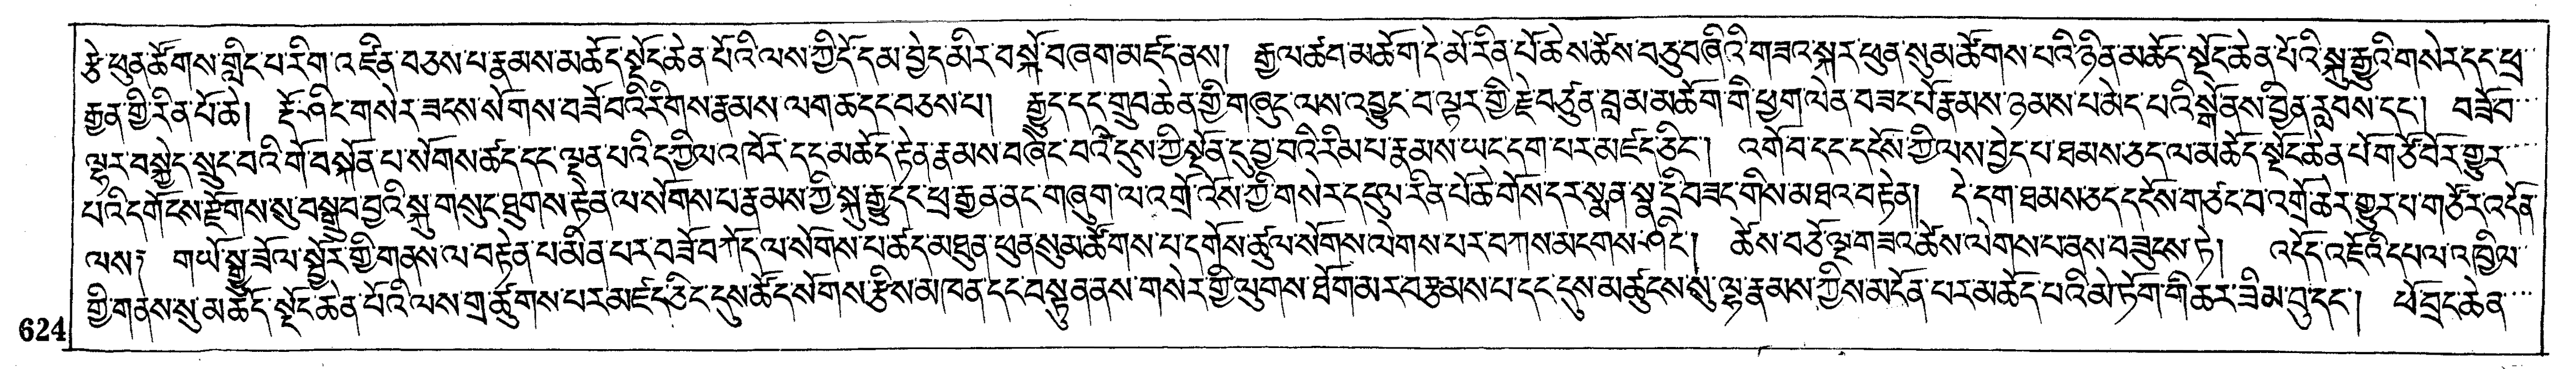རྩེ་ཕུན་ཚོགས་གླིང་པ་རིག་འཛིན་བཅས་པ་རྣམས་མཆོད་སྡོང་ཆེན་པོའི་ལས་ཀྱི་དོ་དམ་བྱེད་མིར་བསྐོ་བཞག་མཛད་ནས། རྒྱལ་ཚབ་མཆོག་དེ་མོ་རིན་པོ་ཆེས་ཚེས་བཅུ་བཞིའི་གཟའ་སྐར་ཕུན་སུམ་ཚོགས་པའི་ཉིན་མཆོད་སྡོང་ཆེན་པོའི་སྐུ་རྒྱུའི་གསེར་དང་ཕྲ་
རྒྱན་གྱི་རིན་པོ་ཆེ། རྡོ་ཤིང་གསེར་ཟངས་སོགས་བཟོ་བོའི་རིགས་རྣམས་ལག་ཆ་དང་བཅས་པ། རྒྱུད་དང་གྲུབ་ཆེན་གྱི་གཞུང་ལས་འབྱུང་བ་ལྟར་གྱི་རྗེ་བཙུན་བླ་མ་མཆོག་གི་ཕྱག་ལེན་བཟང་པོ་རྣམས་ཉམས་པ་མེད་པའི་སྒོ་ནས་བྱིན་རླབས་དང་། བཟོ་བོ་
ལྷར་བསྐྱེད་སྲུང་བའི་གོ་བསྐོན་པ་སོགས་ཚད་དང་ལྡན་པའི་དཀྱིལ་འཁོར་དང་མཆོད་རྟེན་རྣམས་བཞེང་བའི་དུས་ཀྱི་སྔོན་དུ་བྱ་བའི་རིམ་པ་རྣམས་ཡང་དག་པར་མཛད་ཅིང་། འགོ་པ་དང་དངོས་ཀྱི་ལས་བྱེད་པ་ཐམས་ཅད་ལ་མཆོད་སྡོང་ཆེན་པོ་གཙོ་བོར་གྱུར་
པའི་དགོངས་རྫོགས་སུ་བསྒྲུབ་བྱའི་སྐུ་གསུང་ཐུགས་རྟེན་ལ་སོགས་པ་རྣམས་ཀྱི་སྐུ་རྒྱུ་དང་ཕྲ་རྒྱན་ནང་གཞུག་ལ་འགྲོ་འོས་ཀྱི་གསེར་དངུལ་རིན་པོ་ཆེ་གོས་དར་སྨན་སྣ་དྲི་བཟང་གིས་མཐའ་བརྟེན། དེ་དག་ཐམས་ཅད་དངོས་གཙང་བ་འགྲོ་ཆེར་གྱུར་པ་གཙོར་འདོན་
ལས༑ གཡོ་སྒྱུ་ཟོལ་སྦྱོར་གྱི་གནས་ལ་བརྟེན་པ་མིན་པར་བཟོ་བཀོད་ལ་སོགས་པ་ཚད་མཐུན་ཕུན་སུམ་ཚོགས་པ་དགོས་ཚུལ་སོགས་ལེགས་པར་བཀས་མངགས་ཤིང་། ཚེས་བཅོ་ལྔ་གཟའ་ཚེས་ལེགས་པ་ནས་བཟུངས་ཏེ། འདོད་འཇོའི་དཔལ་འཁྱིལ་
གྱི་གནས་སུ་མཆོད་སྡོང་ཆེན་པོའི་ལས་གྲ་ཚུགས་པར་མཛད་ཅིང་དུས་ཚོད་སོགས་རྩིས་མཁན་དང་བསྟུན་ནས་གསེར་གྱི་ལུགས་ཐོག་མར་བརྩམས་པ་དང་དུས་མཚུངས་སུ་ལྷ་རྣམས་ཀྱིས་མངོན་པར་མཆོད་པའི་མེ་ཏོག་གི་ཆར་ཟིམ་བུ་དང་། ཕོ་བྲང་ཆེན་